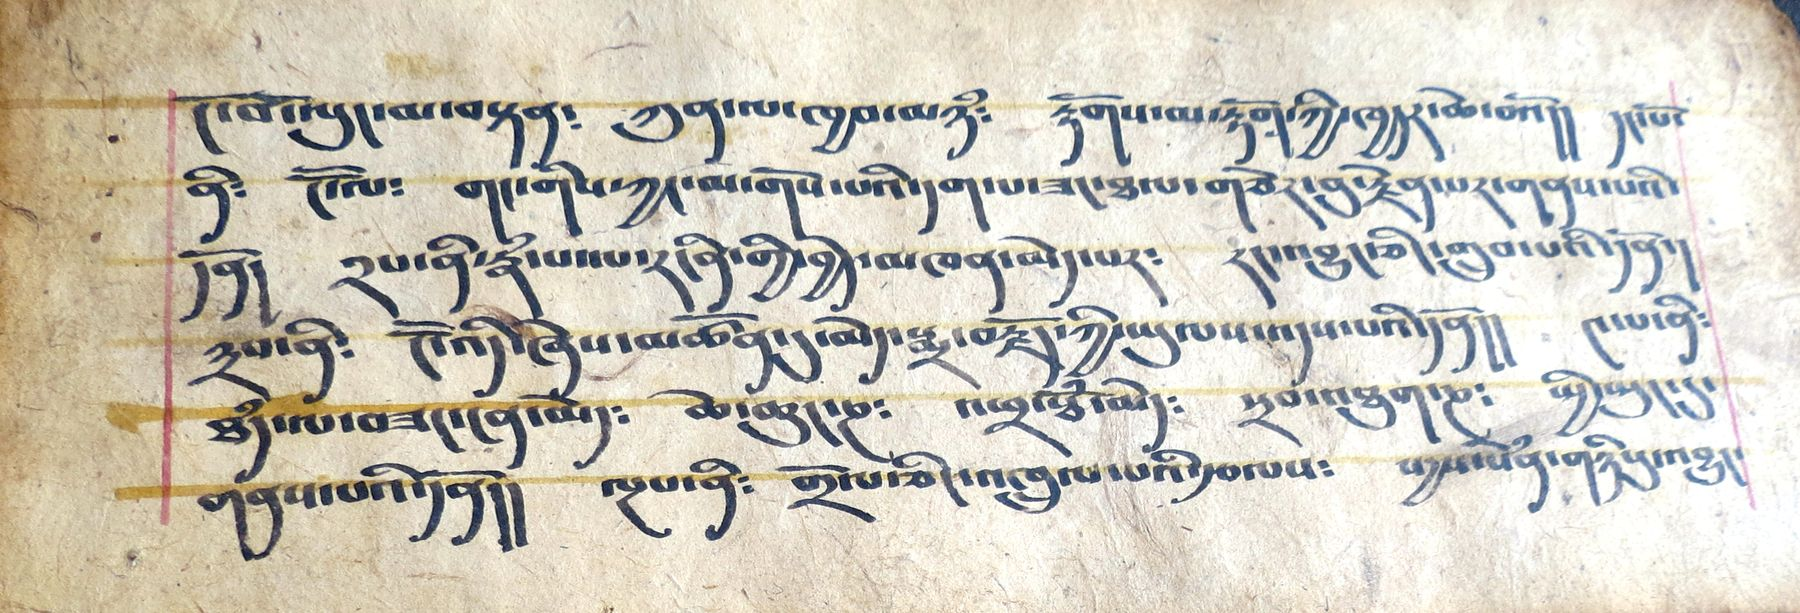ངོ་བོ་ལུང་མ་བསྟན། ཀུན་ལ་ཁྱབ་མཉམ། རྟོགས་མ་རྟོགས་ཀྱི་ཁྱད་པར་ཆེ་བའོ། ། དེའི་དང་པོ་
ནི། ངོ་བོ་ལ་གང་གིས་ཀྱང་མ་གཡོས་པས་དག་པ་ཟང་ཐལ་གཅེར་བུ་རྗེན་པར་གནས་པའི་
དོན། གཉིས་པ་ནི་རྣམ་པ་ལ། ཐམས་ཅད་རང་བཞིན་གྱིས་བྱེད་མཁན་མེད་པར་བྱུང་ཞིང་གྲུབ་པའི་དོན། 
གསུམ་པ་ནི་ངོ་བོ་འདི་ཞེས་མཚན་དུ་མེད། སྨྲ་བརྗོད་ཀྱི་ཡུལ་ལས་འདས་པའི་དོན། བཞི་པ་ནི་
ཐམས་ཅད་ལ་བཟང་ངན་མེད། ཆེ་ཆུང་མེད། འཕྲ་སྦོམ་མེད། སྲབ་མཐུག་མེད་པས་སྤྱི་ཡོངས་སུ་
གནས་པའི་དོན། ལྔ་པ་གྲོལ་ཅིང་འཁྲུལ་པའི་རྩལ་ལས། སངས་རྒྱས་སེམས་ཅན་གཉིས་སུ་འབྱུང་